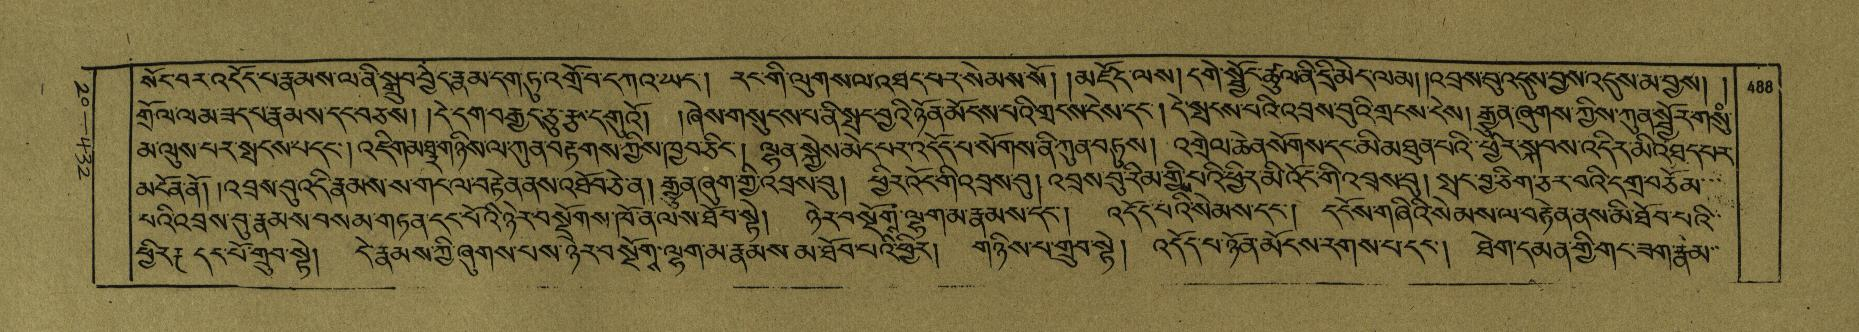སོང་བར་འདོད་པ་རྣམས་ལ་ནི་སྒྲུབ་བྱེད་རྣམ་དག་ཏུ་འགྲོ་བ་དཀའ་ཡང་། རང་གི་ལུགས་ལ་འཐད་པར་སེམས་སོ། །མཛོད་ལས། དགེ་སྦྱོང་ཚུལ་ནི་དྲི་མེད་ལམ། །འབྲས་བུ་འདུས་བྱས་འདུས་མ་བྱས། །
གྲོལ་ལམ་ཟད་པ་རྣམས་དང་བཅས། །དེ་དག་བརྒྱད་ཅུ་རྩ་དགུའོ། །ཞེས་གསུངས་པ་ནི་སྤང་བྱའི་ཉོན་མོངས་པའི་གྲངས་ངེས་དང་། དེ་སྤངས་པའི་འབྲས་བུའི་གྲངས་ངེས། རྒྱུན་ཞུགས་ཀྱིས་ཀུན་སྦྱོར་གསུཾ་
མ་ལུས་པར་སྤངས་པ་དང་། འཇིག་མཐར་གཉིས་ལ་ཀུན་བརྟགས་ཀྱིས་ཁྱབ་ཅིང་། ལྷན་སྐྱེས་མེད་པར་འདོད་པ་སོགས་ནི་ཀུན་བཏུས། འགྲེལ་ཆེན་སོགས་དང་མི་མཐུན་པའི་ཕྱིར་སྐབས་འདིར་མི་འཐད་པར་
མངོན་ནོ། །འབྲས་བུ་འདི་རྣམས་ས་གང་ལ་བརྟེན་ནས་འཐོབ་ཅེ་ན། རྒྱུན་ཞུག་གྱི་འབྲས་བུ། ཕྱིར་འོང་གི་འབྲས་བུ། འབྲས་བུ་རིམ་གྱིས་པའི་ཕྱིར་མི་འོང་གི་འབྲས་བུ། སྤང་བྱ་ཅིག་ཅར་བའི་དགྲ་བཅོམ་
པའི་འབྲས་བུ་རྣམས་བསམ་གཏན་དང་པོའི་ཉེར་བསྔོགས་ཁོ་ན་ལས་ཐོབ་སྟེ། ཉེར་བསྔོག་ལྷག་མ་རྣམས་དང་། འདོད་པའི་སེམས་དང་། དངོས་གཞིའི་སེམས་ལ་བརྟེན་ནས་མི་ཐོབ་པའི་
ཕྱིར༑ དང་པོ་གྲུབ་སྟེ། དེ་རྣམས་ཀྱི་ཞུགས་པས་ཉེར་བསྔོགས་ལྷག་མ་རྣམས་མ་ཐོབ་པའི་ཕྱིར། གཉིས་པ་གྲུབ་སྟེ། འདོད་པ་ཉོན་མོངས་རགས་པ་དང་། ཐེག་དམན་གྱི་གང་ཟག་རྣམ་